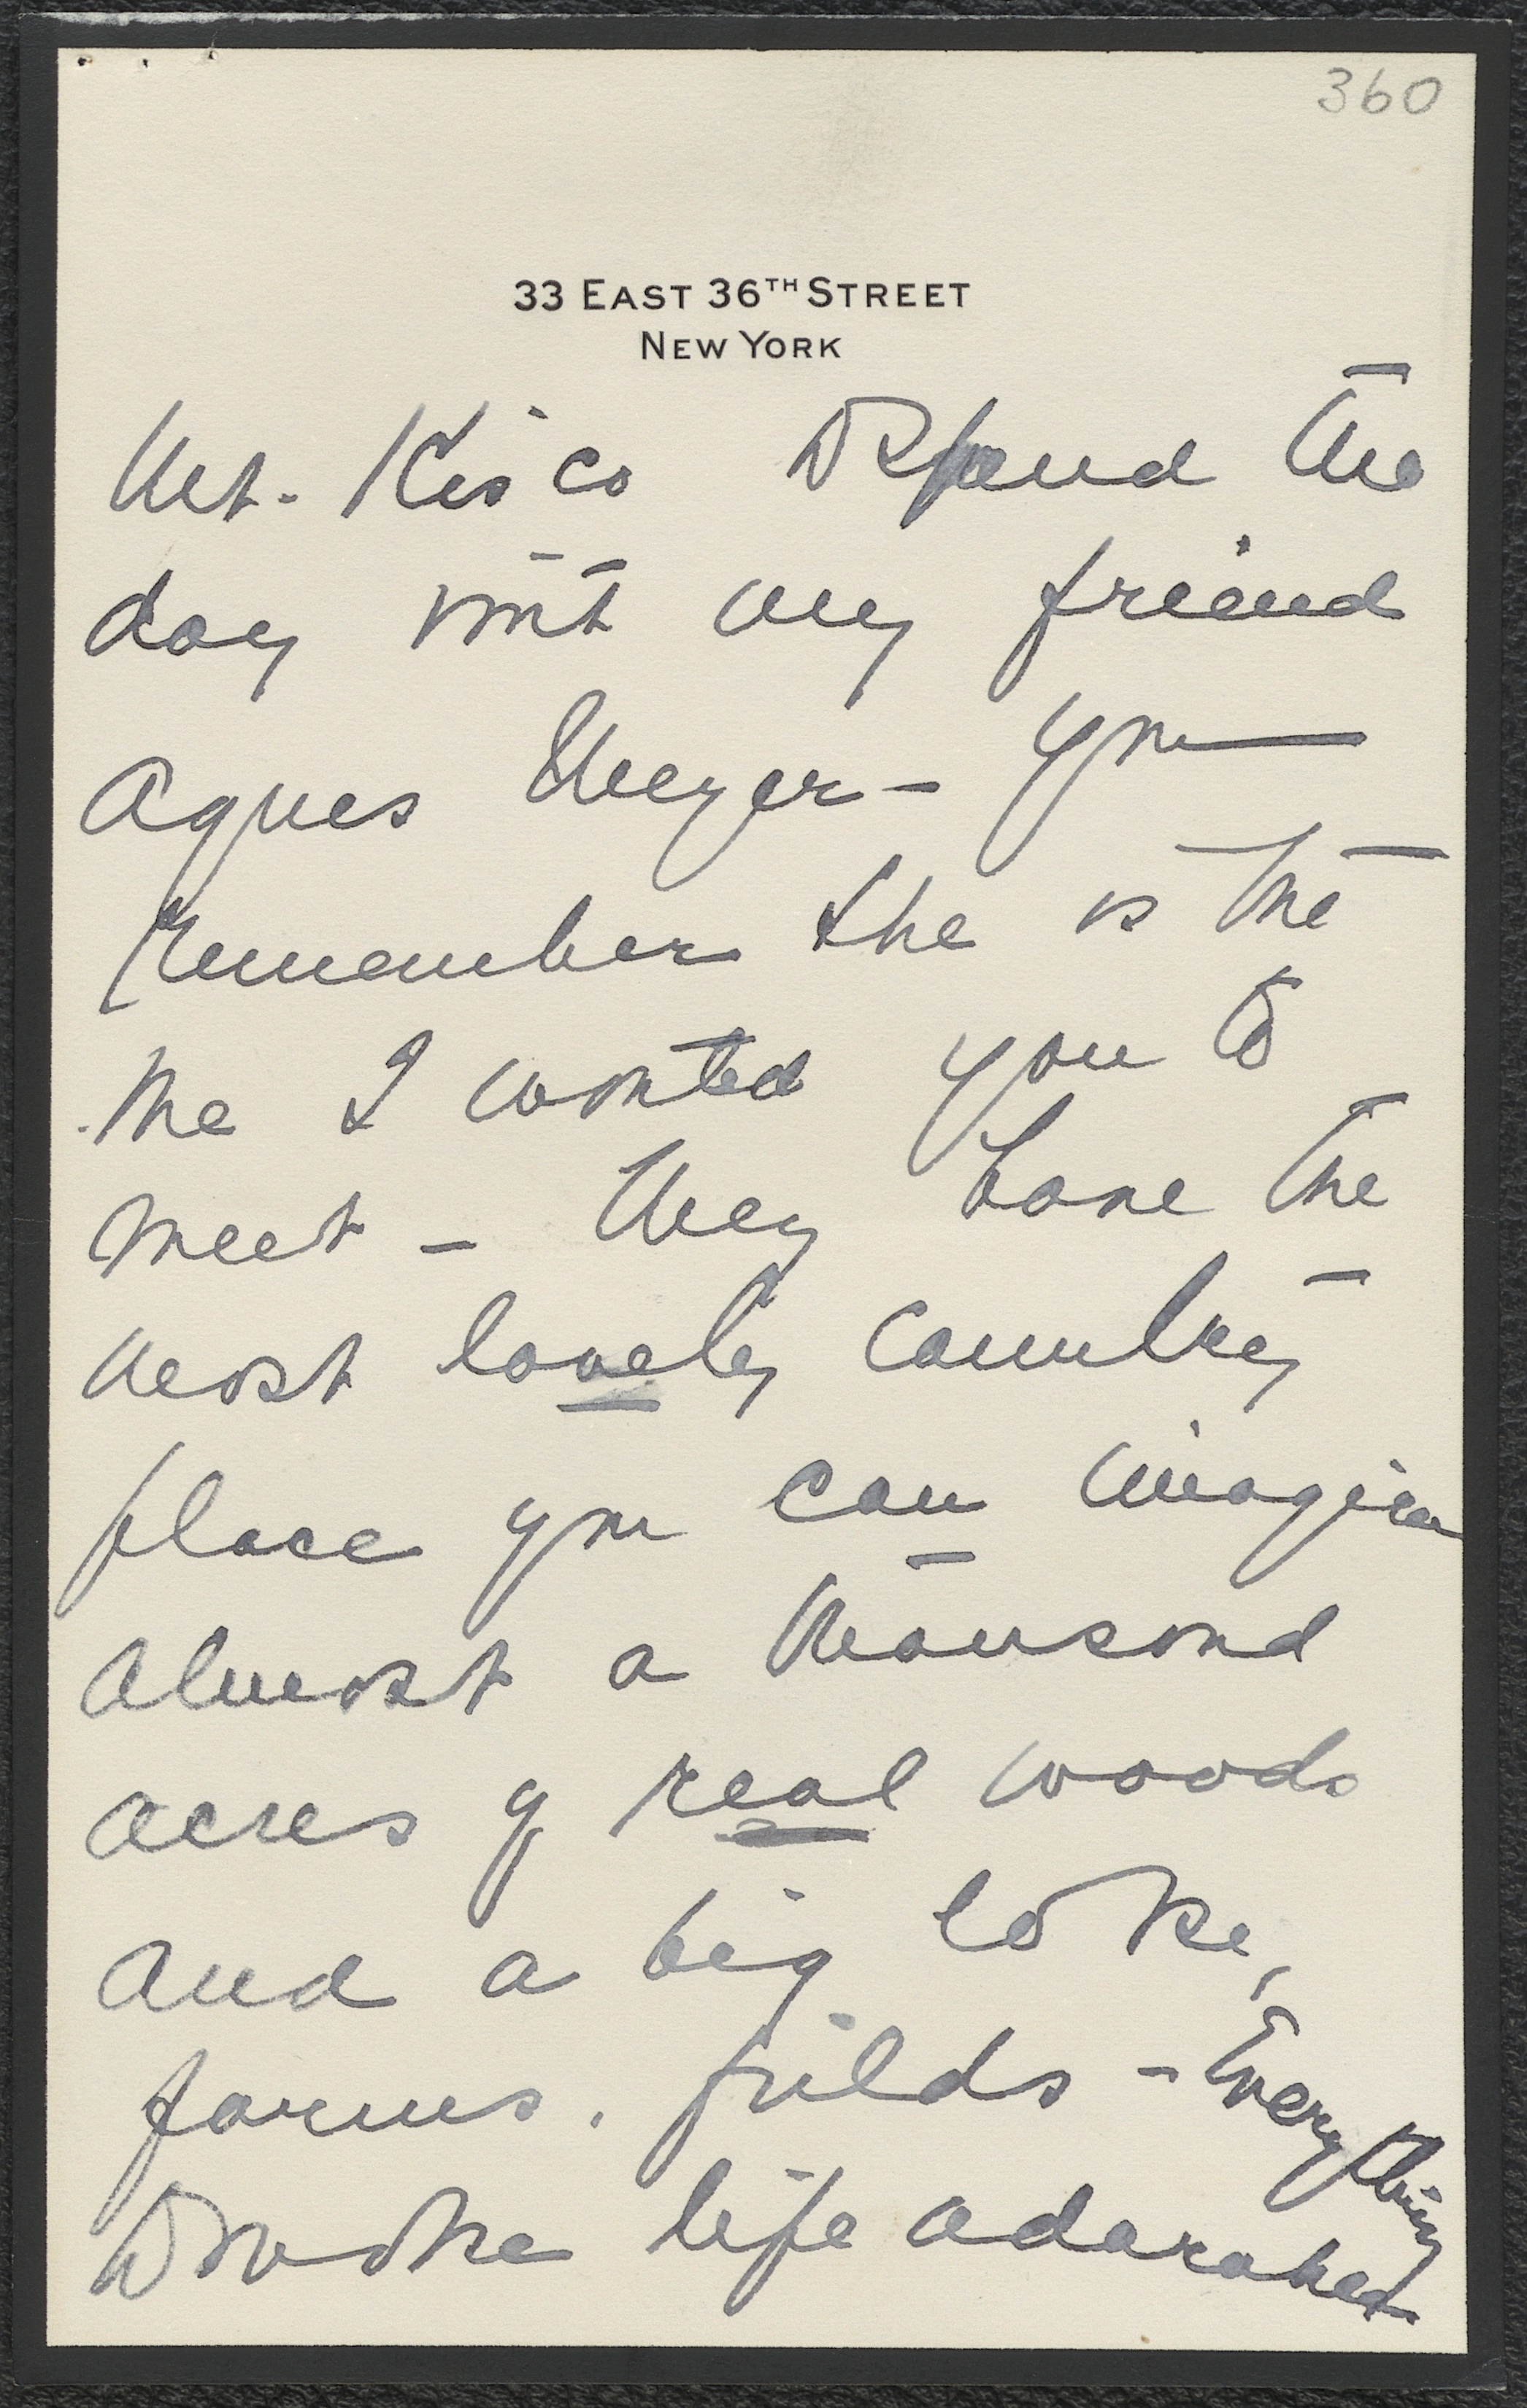Mt. Kisco to spend the day with my friend Agnes Meyer – you remember she is the one I wanted you to meet – they have the most lovely country place you can imagine almost a thousand acres of real woods and a big lake, farms, fields – Everything to make life adorable